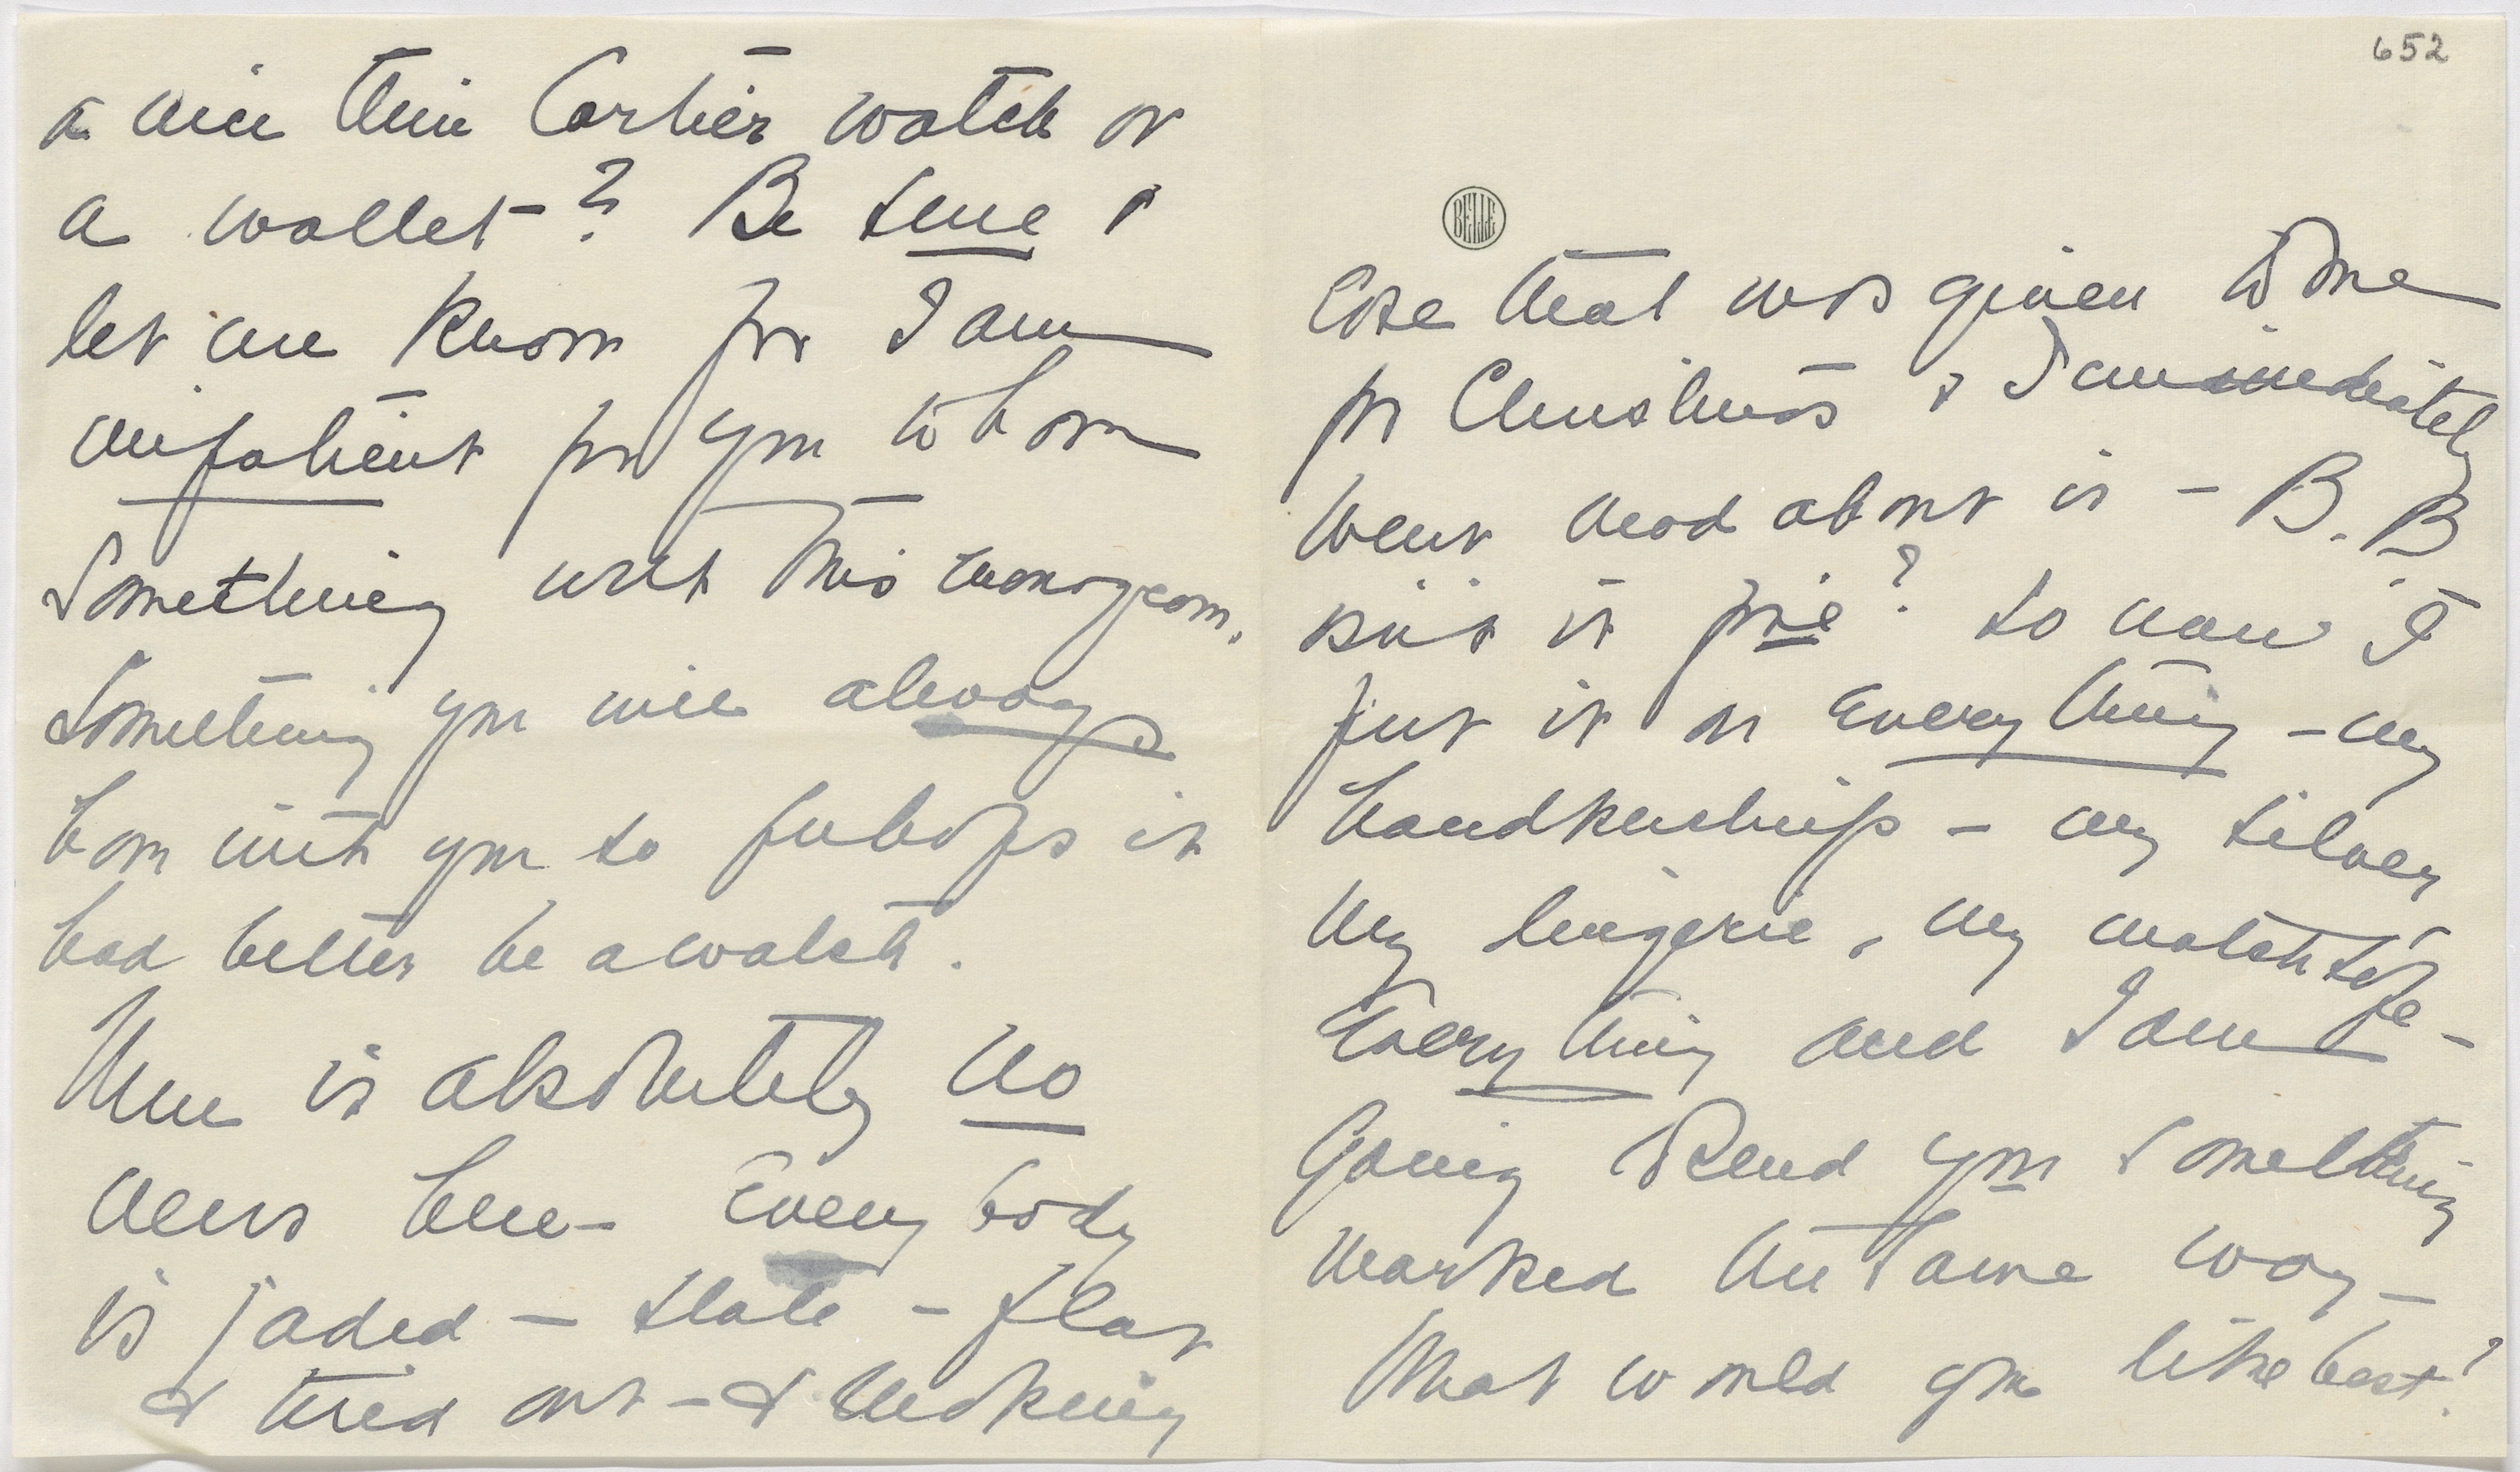case that was given to me for Christmas & I immediately went mad about it – B. B. – isn’t it fine? so now I put it on every thing – my handkerchiefs – my silver, my lingerie, my match safe – Every thing and I am going to send you something marked the same way –
What would you like best?
a nice thin Cartier watch or a wallet? Be sure to let me know for I am impatient for you to have something with the monogram, Something you will always have with you so perhaps it had better be a watch.
There is absolutely no news here – every body is jaded – stale – flat & tired out – & making